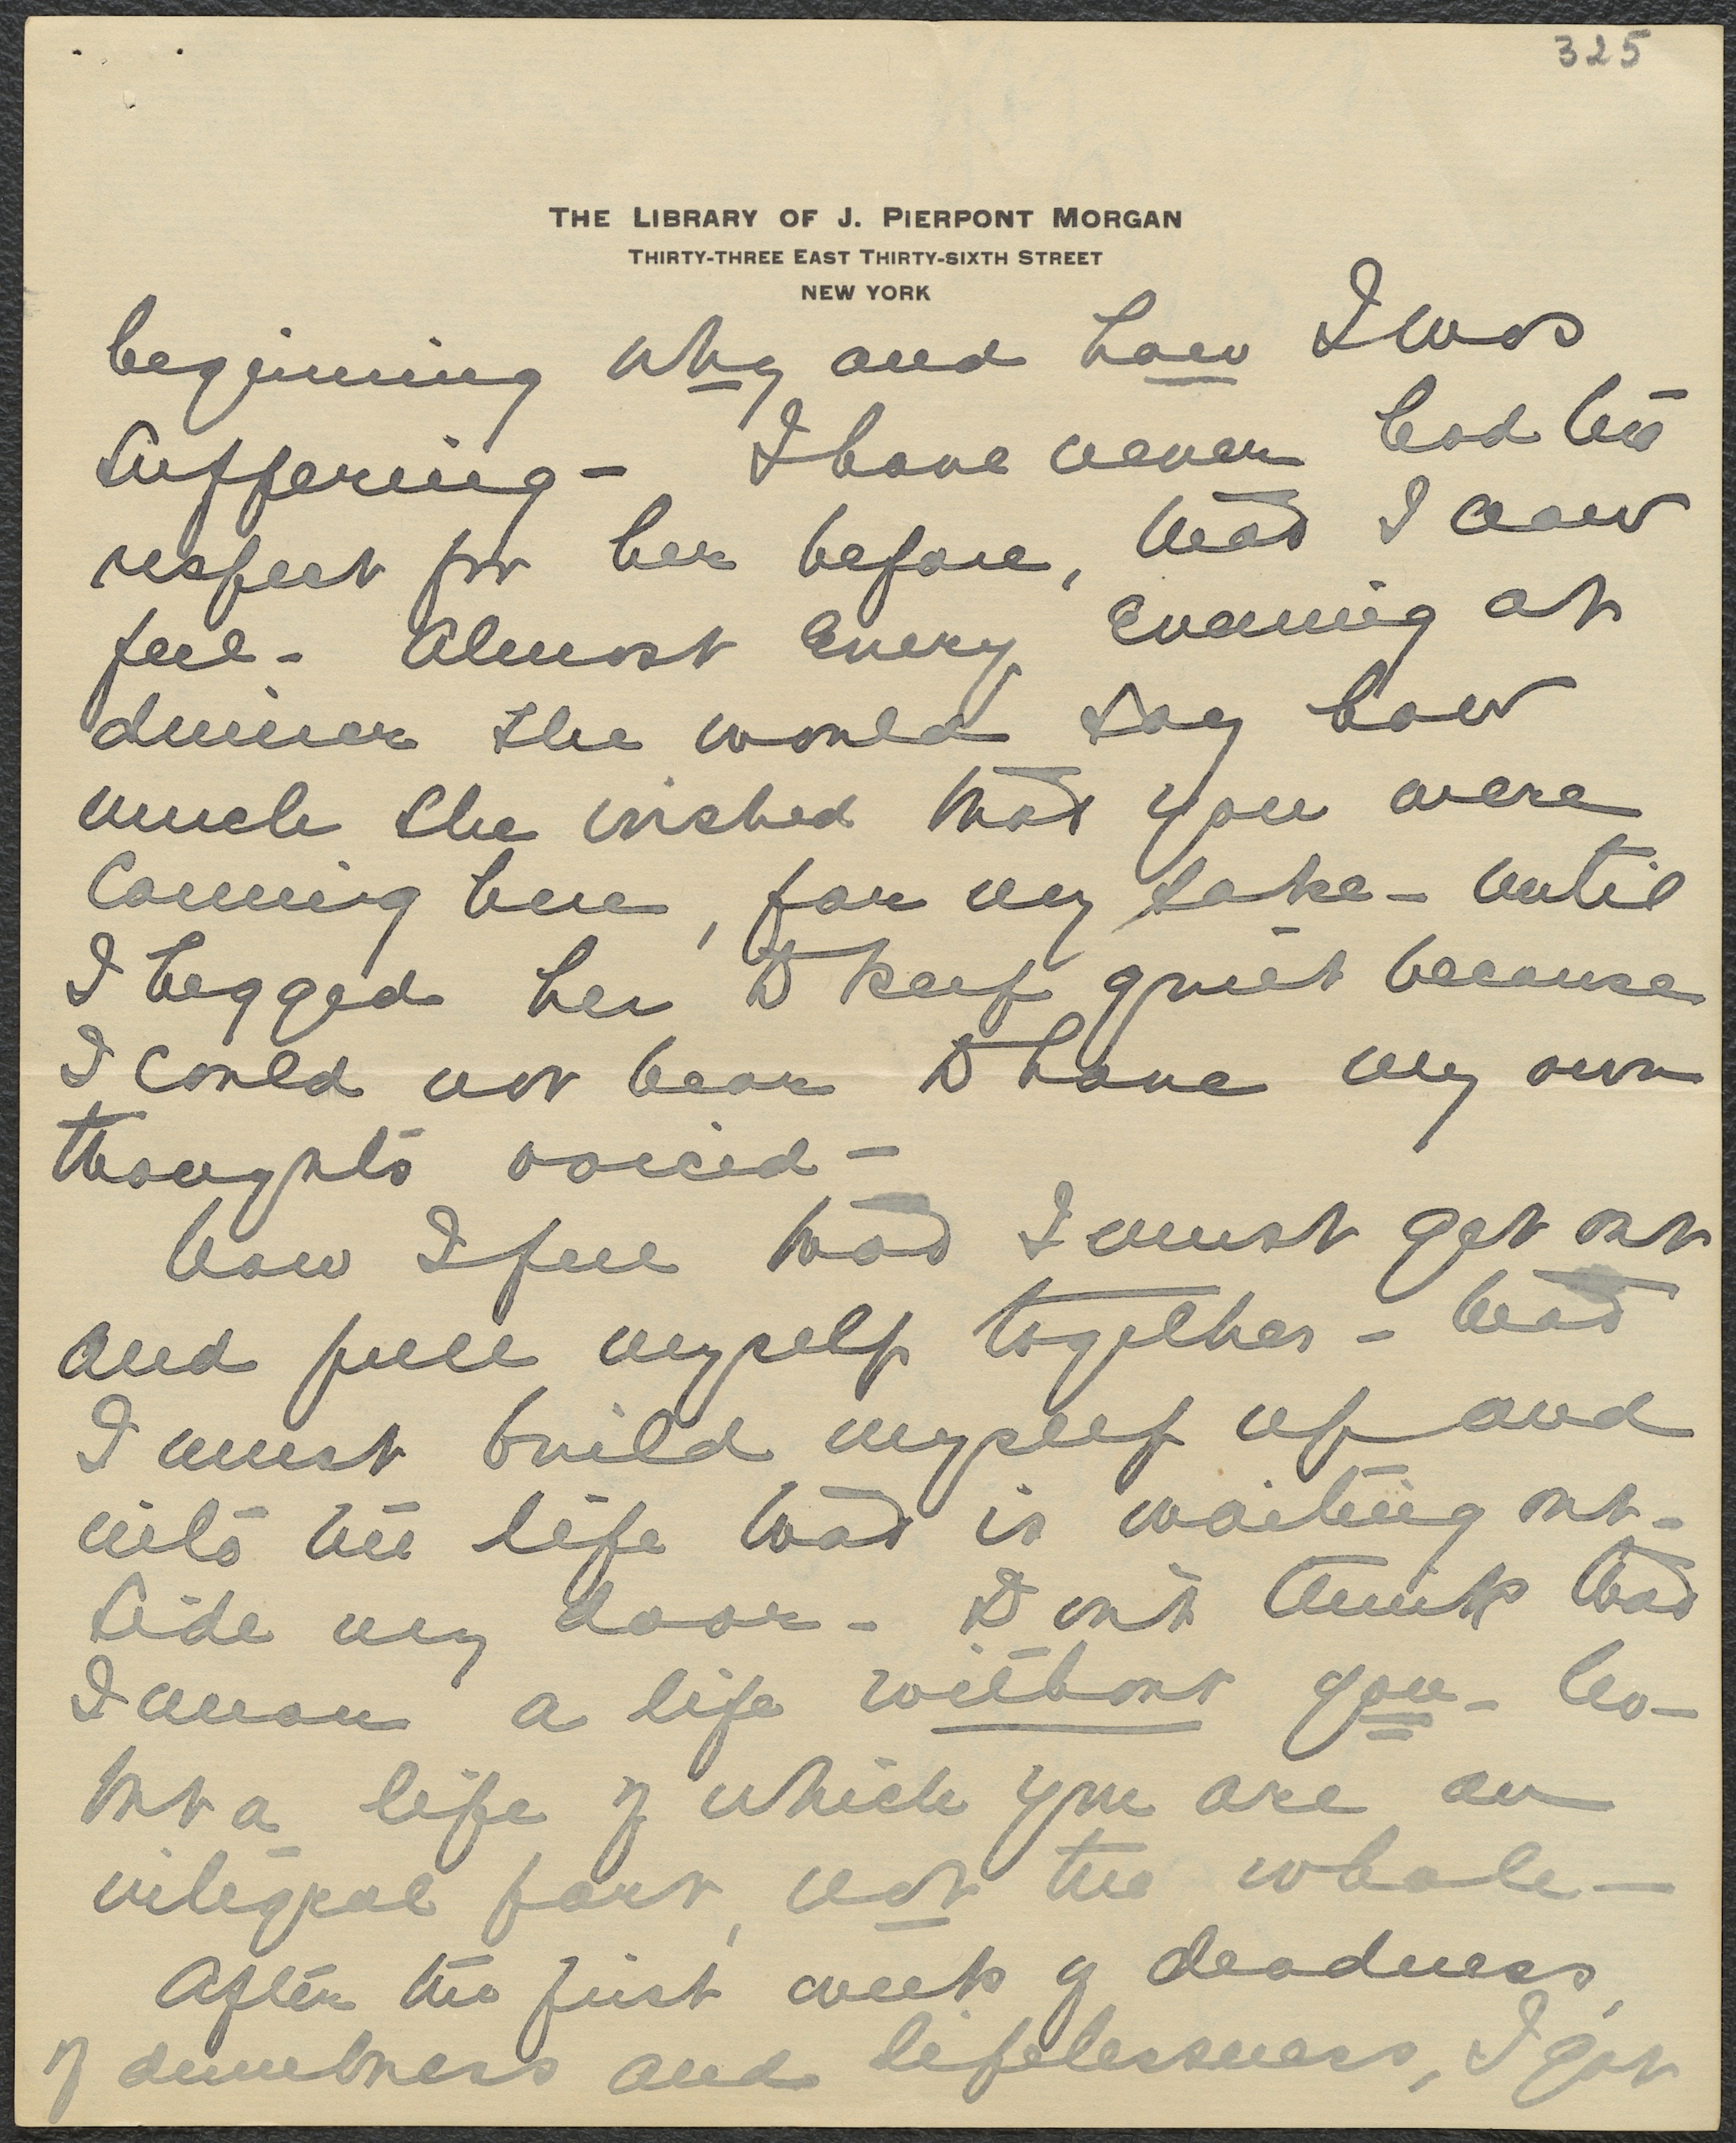beginning why and how I was suffering – I have never had the respect for her before, that I now feel – Almost every evening at dinner she would say how much she wished that you were coming here, for my sake – until I begged her to keep quiet because I could not bear to have my own thoughts voiced –
Now I feel that I must get out and pull myself together – that I must build myself up and into the life that is waiting outside my door – Don’t think that I mean a life without [double underlined: you] – No – but a life of which you are an integral part, not the whole –
After this first week of deadness, of dumbness and lifelessness, I got